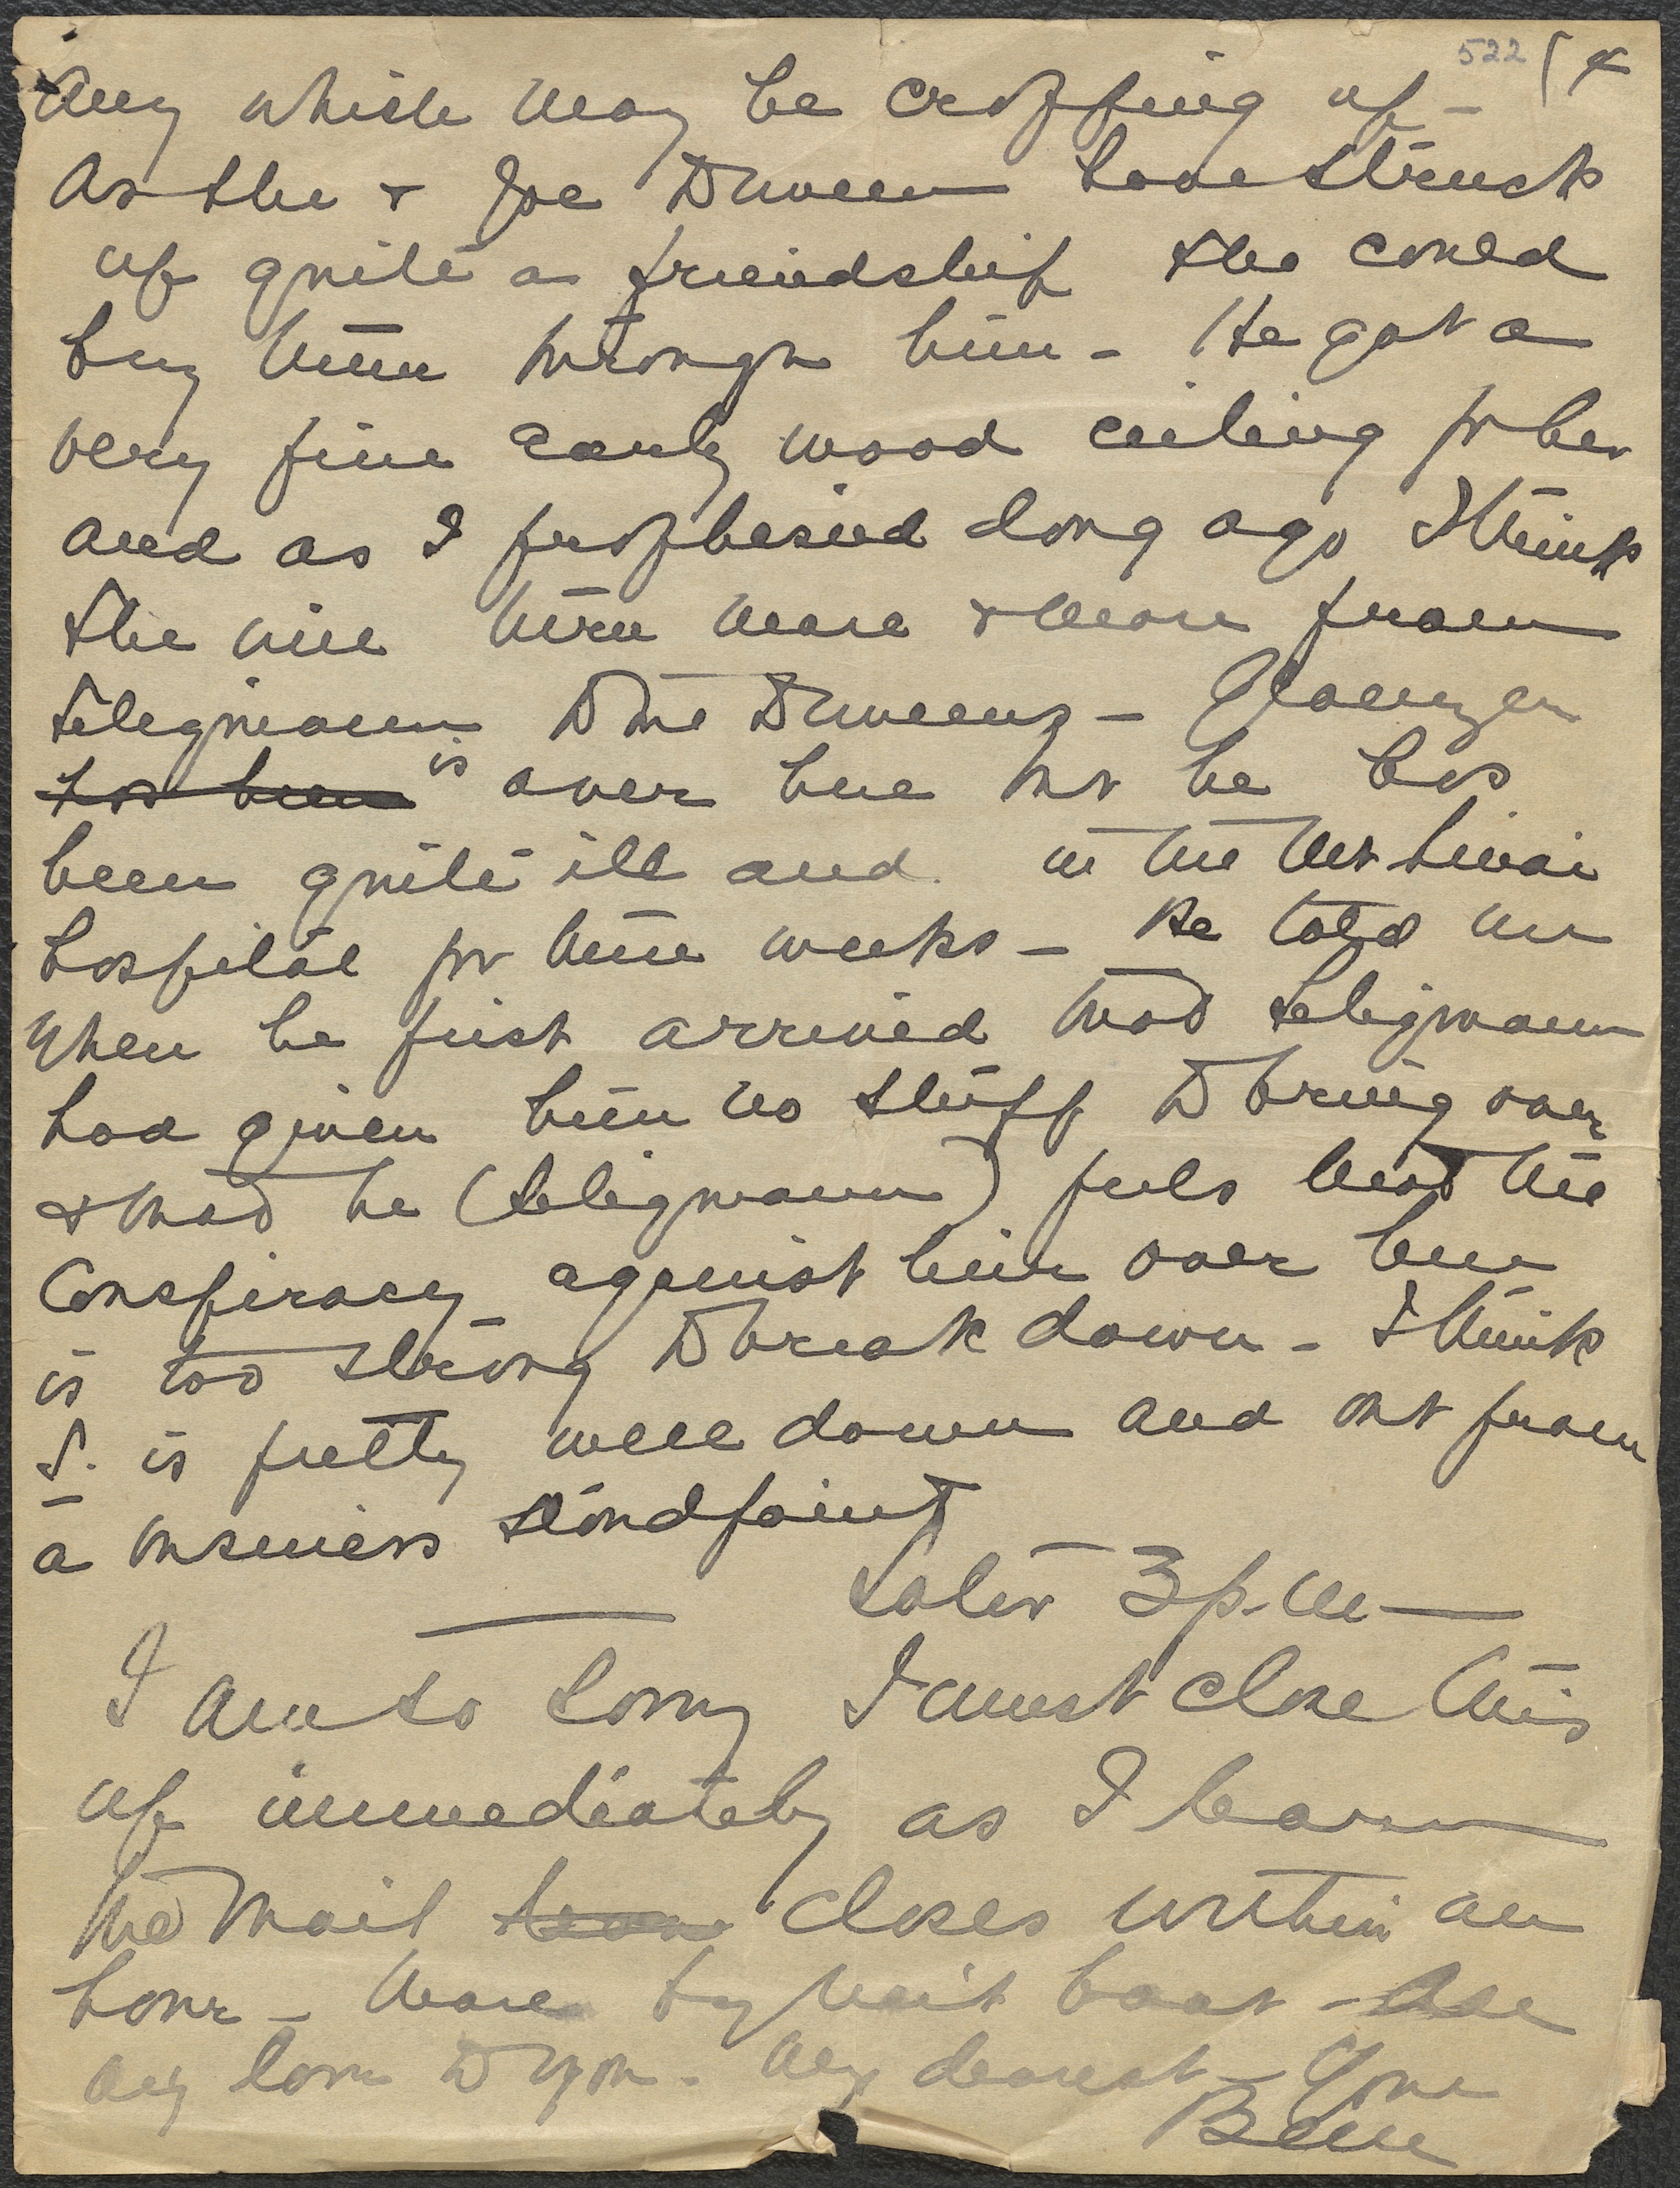any which may be cropping up – as she & Joe Duveen – have struck up quite a friendship she could buy them through him – He got a very fine early wood ceiling for her and as I prophesied long ago I think she will turn more & more from Seligmann to the Duveens –Glaenzer has been is over here but he has been quite ill and in the Mt. Sinai hospital for three weeks – he told me when he first arrived that Seligmann had given him no stuff to bring over & that he (Seligmann) feels that the conspiracy against him over here is too strong to break down – I think S. is pretty well down and out from a business standpoint
— Later 3p.m —
I am so sorry I must close this up immediately as I learn the mail leave closes within an hour – More by next boat – all my love to you. My dearest –Your Belle